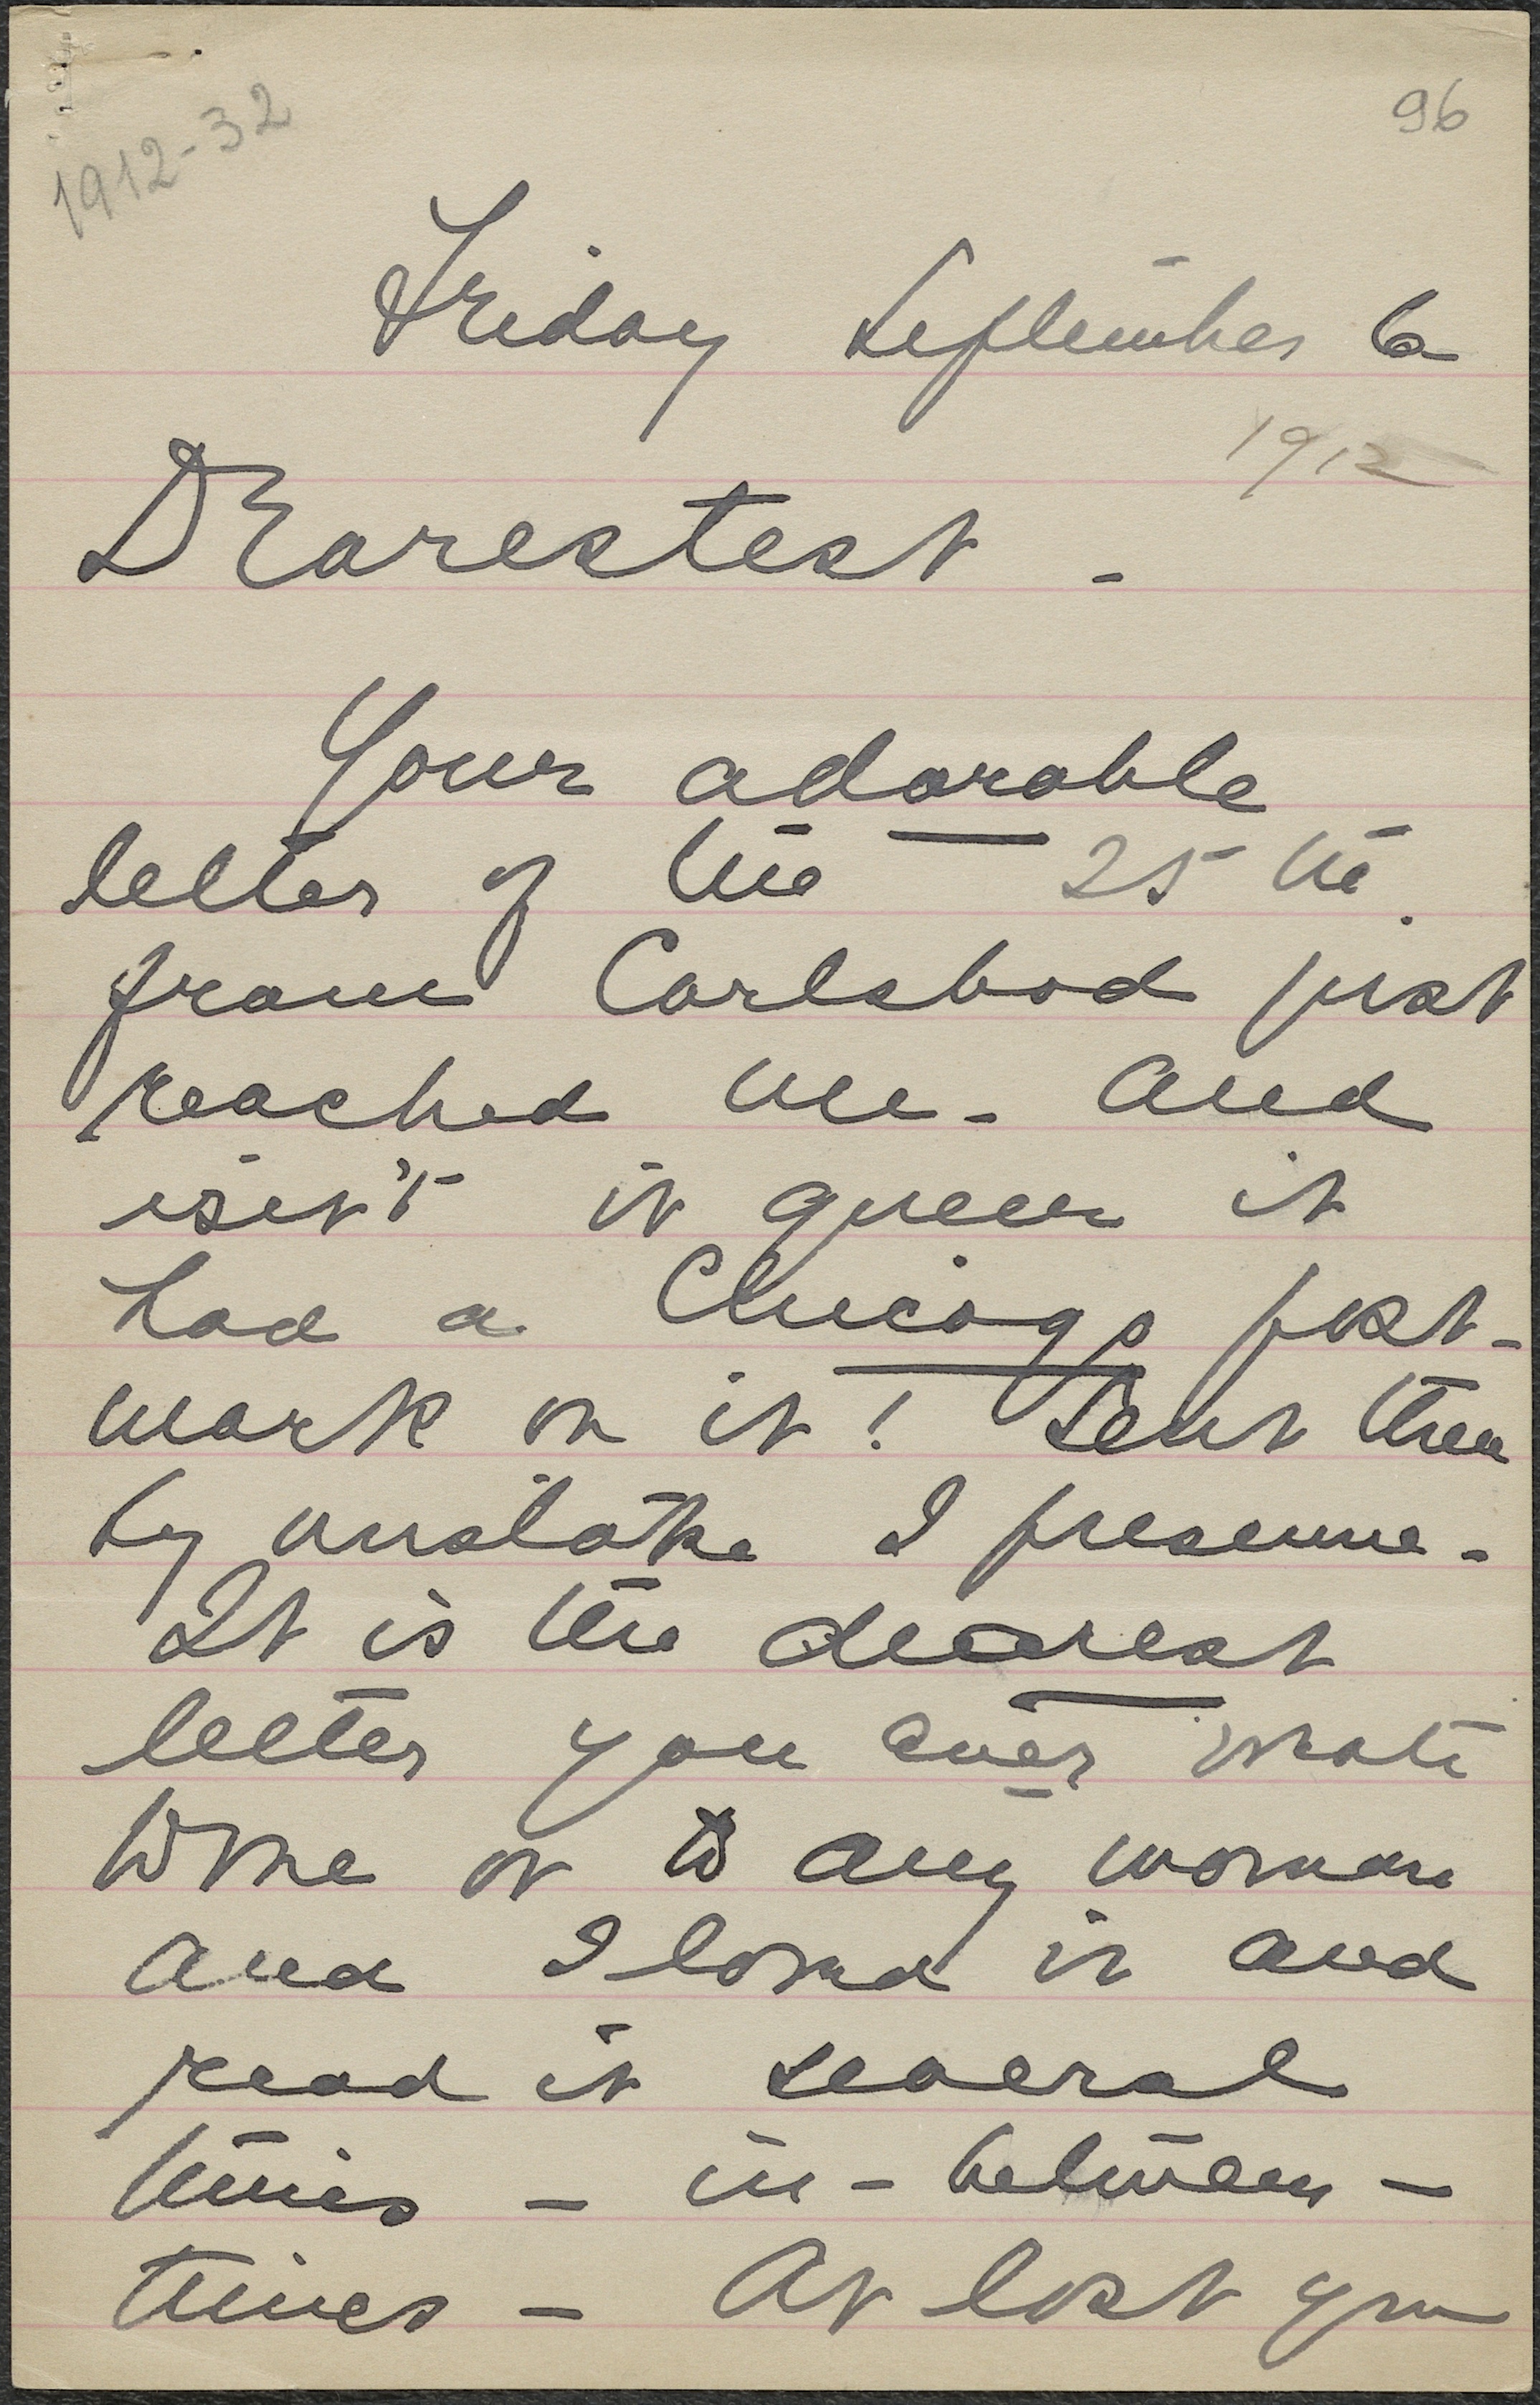Friday September 6
Dearestest –
Your adorable letter of the 25th from Carlsbad just reached me – and isn’t it queer it had a Chicago post mark on it! Sent there by mistake I presume – It is the dearest letter you ever wrote to me or to any woman and I loved it and read it several times – in-between – times – at last you